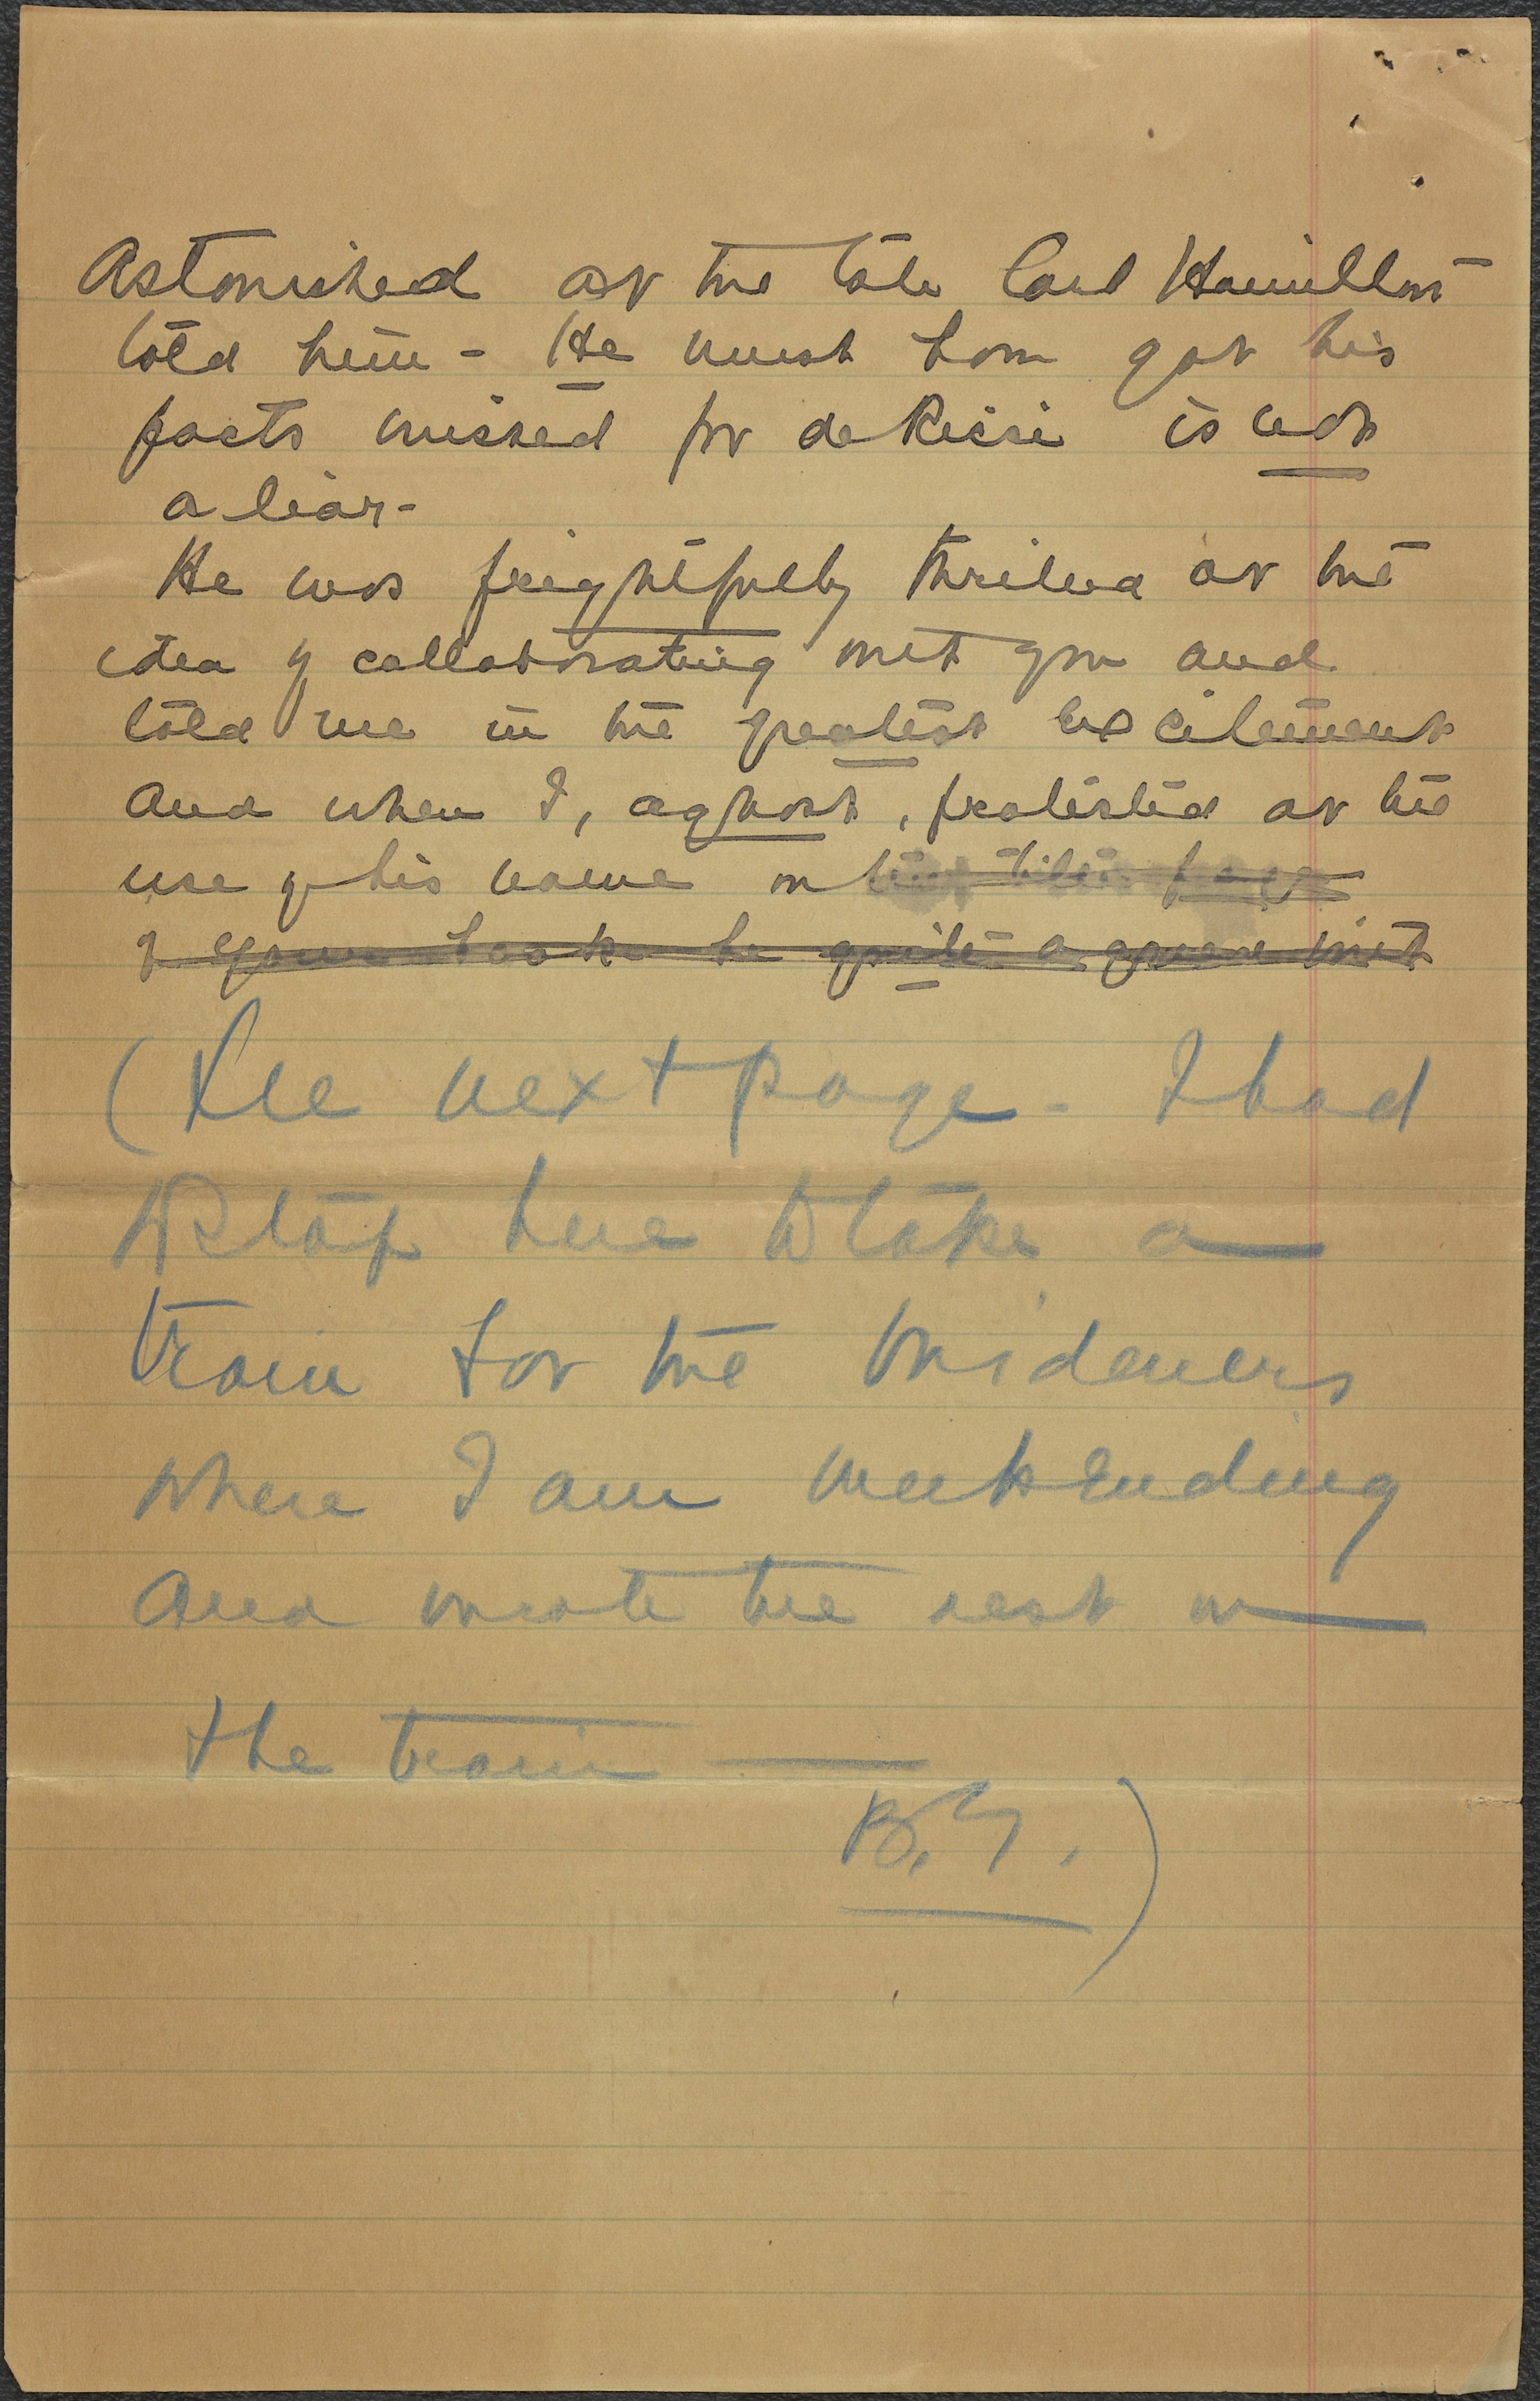astonished at the tale Carl Hamilton told him – he must have got his facts missed for de Ricci is not a liar.
He was frightfully thrilled at the idea of collaborating with you and told me in the greatest excitement and when I, aghast, protested at the use of his name in the title page of your book – he quite agreed with
[In blue pencil: See next page. I had to stop here to take a train for the Wideners where I am week ending and wrote the rest on the train –
B.G.]